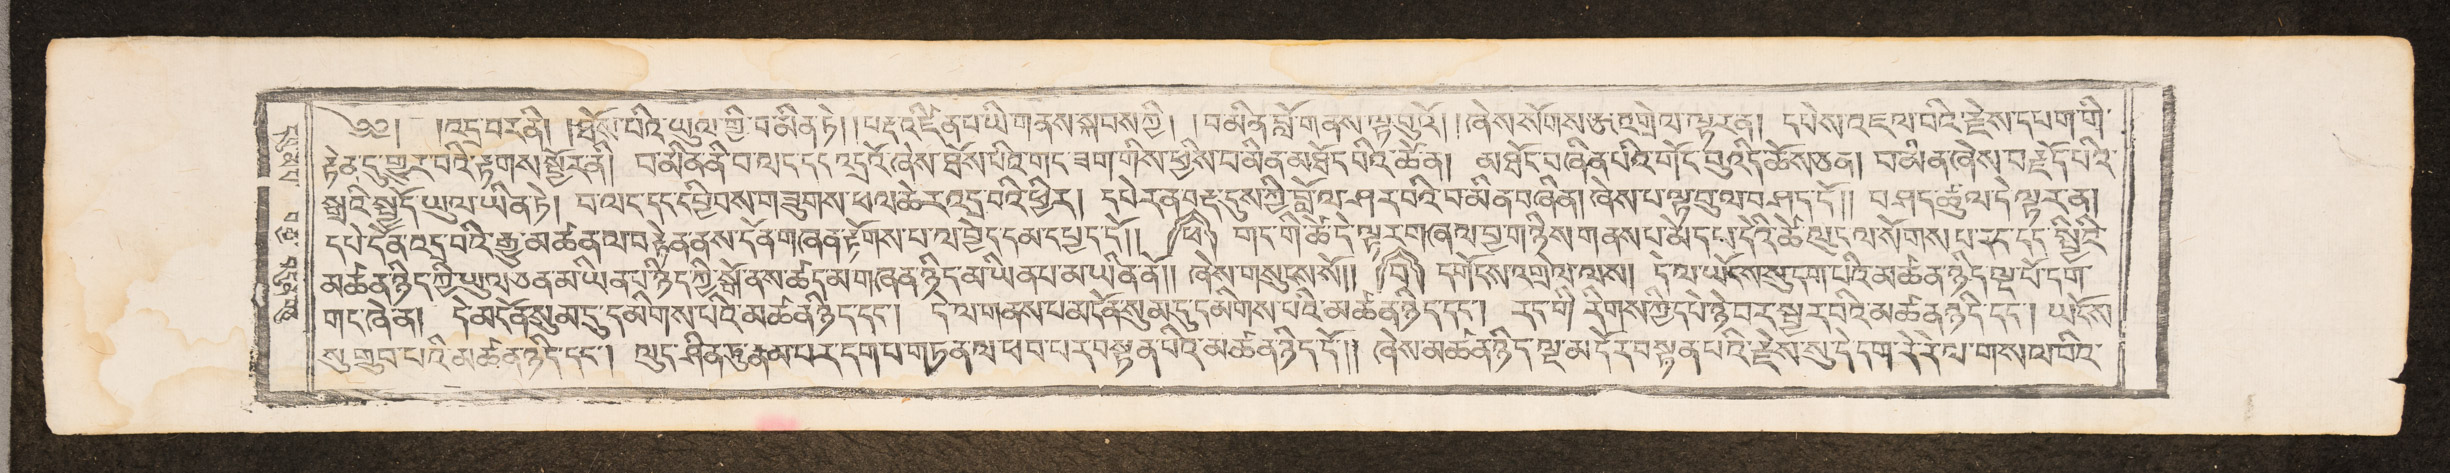༄༅། །འདྲ་བར་ནི། །ཐོས་པའི་ཡུལ་གྱི་བ་མིན་ཏེ། །བརྡ་འཛིན་པ་ཡི་གནས་སྐབས་ཀྱི། །བ་མིན་བློ་གནས་ལྟ་བུའོ། །ཞེས་སོགས་རྩ་འགྲེལ་ལྟར་ན། དཔེས་འཇལ་བའི་རྗེས་དཔག་གི་
རྟེན་དུ་གྱུར་བའི་རྟགས་སྦྱོར་ནི། བ་མིན་ནི་བ་ལང་དང་འདྲའོ་ཞེས་ཐོས་པའི་གང་ཟག་གིས་ཕྱིས་བ་མིན་མཐོང་བའི་ཚེ་ན། མཐོང་བཞིན་པའི་གོང་བུ་འདི་ཆོས་ཅན། བ་མིན་ཞེས་བརྗོད་པའི་
སྒྲའི་སྤྱོད་ཡུལ་ཡིན་ཏེ། བ་ལང་དང་དབྱིབས་གཟུགས་ཕལ་ཆེར་འདྲ་བའི་ཕྱིར། དཔེར་ན་བརྡ་དུས་ཀྱི་བློ་ལ་ཤར་བའི་བ་མིན་བཞིན། ཞེས་པ་ལྟ་བུ་ལ་བཤད་དོ། །བཤད་ཚུལ་དེ་ལྟར་ན།
དཔེ་དོན་འདྲ་བའི་རྒྱུ་མཚན་ལ་བརྟེན་ནས་དོན་གཞན་རྟོགས་པ་ལ་བྱེད་དམ་དཔྱད་དོ།། ༼༽ཕ༼༽ གང་གི་ཚེ་དེ་ལྟར་གཞལ་བྱ་གཉིས་གནས་པ་མེད་པ་དེའི་ཚེ་ལུང་ལ་སོགས་པ་རང་དང་སྤྱིའི་
མཚན་ཉིད་ཀྱི་ཡུལ་ཅན་མ་ཡིན་པ་ཉིད་ཀྱི་སྒོ་ནས་ཚད་མ་གཞན་ཉིད་མ་ཡིན་པ་མ་ཡིན་ནོ།། ཞེས་གསུངས་སོ།། ༼༽བ༼༽ དགོངས་འགྲེལ་ལས། དེ་ལ་ཡོངས་སུ་དག་པའི་མཚན་ཉིད་ལྔ་པོ་དག་
གང་ཞེ་ན། དེ་མངོན་སུམ་དུ་དམིགས་པའི་མཚན་ཉིད་དང་། དེ་ལ་གནས་པ་མངོན་སུམ་དུ་དམིགས་པའི་མཚན་ཉིད་དང་། རང་གི་རིགས་ཀྱི་དཔེ་ཉེ་བར་སྦྱར་བའི་མཚན་ཉིད་དང་། ཡོངས་
སུ་གྲུབ་པའི་མཚན་ཉིད་དང་། ལུང་ཤིན་ཏུ་རྣམ་པར་དག་པ་གཏན་ལ་ཕབ་པར་བསྟན་པའི་མཚན་ཉིད་དོ།། ཞེས་མཚན་ཉིད་ལྔ་མདོར་བསྟན་པའི་རྗེས་སུ་དེ་དག་རེ་རེ་ལ་གསལ་བའི་